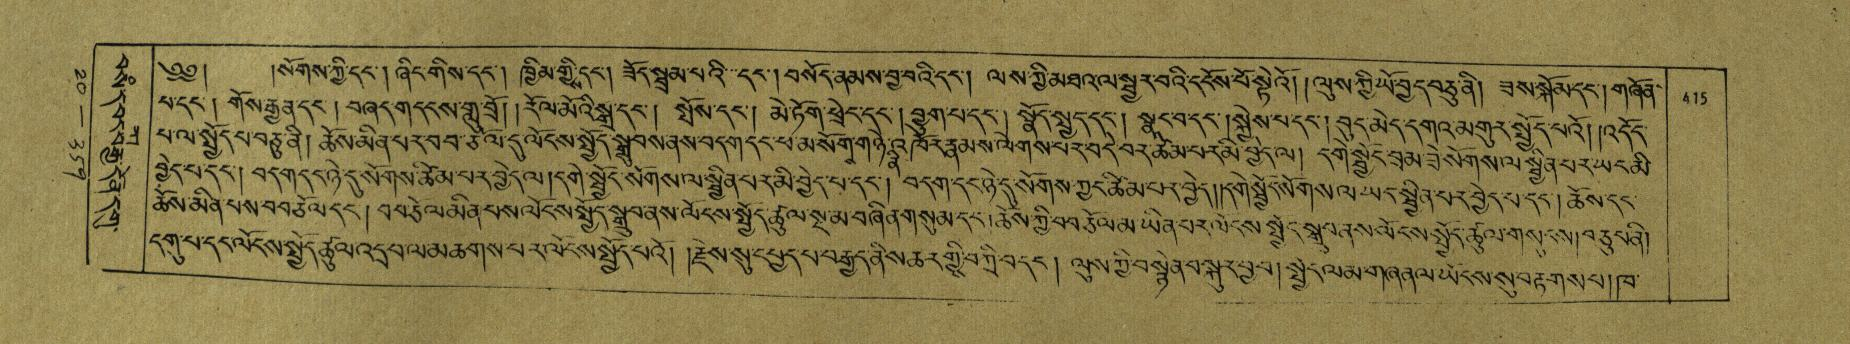༄༅། །སོགས་ཀྱི་དང་། ཞིང་གིས་དང་། ཁྱིམ་གྱིས་དང་། ཟོད་སྦྲམ་པའི་དང་། བསོད་ནམས་བྱ་བའི་དང་། ལས་ཀྱི་མཐའ་ལ་སྦྱར་བའི་དངོས་པོ་སྟེའོ། །ལུས་ཀྱི་ཡོ་བྱད་བཅུ་ནི། ཟས་སྐོམ་དང་། གཞོན་
པ་དང་། གོས་རྒྱན་དང་། བཞད་གདངས་གླུ་བྲོ། །རོལ་མོའི་སྒྲ་དང་། སྤོས་དང་། མེ་ཏོག་ཕྲེང་དང་། བྱུག་པ་དང་། སྣོད་སྤྱད་དང་། སྣང་བ་དང་། སྐྱེས་པ་དང་། བུད་མེད་དགའ་མགུར་སྤྱོད་པའོ། །འདོད་
པ་ལ་སྤྱོད་པ་བཅུ་ནི། ཆོས་མིན་པར་བབ་ཅོལ་དུ་ལོངས་སྤྱོད་སྒྲུབས་ནས་བདག་དང་ཕ་མ་སོགས་གཉེ་ནི་འཁོར་རྣམས་ལེགས་པར་བདེ་བར་ཚིམ་པར་མི་བྱེད་ལ། དགེ་སྦྱོང་བྲམ་ཟེ་སོགས་ལ་སྦྱིན་པར་ཡང་མི་
བྱེད་པ་དང་། བདག་དང་ཉེ་དུ་སོགས་ཚིམ་པར་བྱེད་ལ། དགེ་སྦྱོང་སོགས་ལ་སྦྱིན་པར་མི་བྱེད་པ་དང་། བདག་དང་ཉེ་དུ་སོགས་ཀྱང་ཚིམ་པར་བྱེད། །དགེ་སྦྱོང་སོགས་ལ་ཡང་སྦྱིན་པར་བྱེད་པ་དང་། ཆོས་དང་
ཆོས་མིན་པས་བབ་ཅོལ་དང་། བབ་ཅོལ་མིན་པས་ལོངས་སྤྱོད་སྒྲུབ་ནས་ལོངས་སྤྱོད་ཚུལ་སྔ་མ་བཞིན་གསུམ་དང་། ཆོས་ཀྱི་བབ་ཅོལ་མ་ཡིན་པར་ལོངས་སྤྱོད་སྒྲུབ་ནས་ལོངས་སྤྱོད་ཚུལ་གསུངས། བཅུ་པ་ནི།
དགུ་པ་དང་ལོངས་སྤྱོད་ཚུལ་འདྲ་བ་ལ་མ་ཆགས་པར་ལོངས་སྤྱོད་པའོ། །རྗེས་སུ་དཔྱད་པ་བརྒྱད་ནི་ས་ཆར་གྱིས་བཀྲི་བ་དང་། ལུས་ཀྱི་བསྙེན་བསྐུར་བྱ་བ། སྤྱོད་ལམ་གཞན་ལ་ཡོངས་སུ་བརྟགས་པ། ཁ་